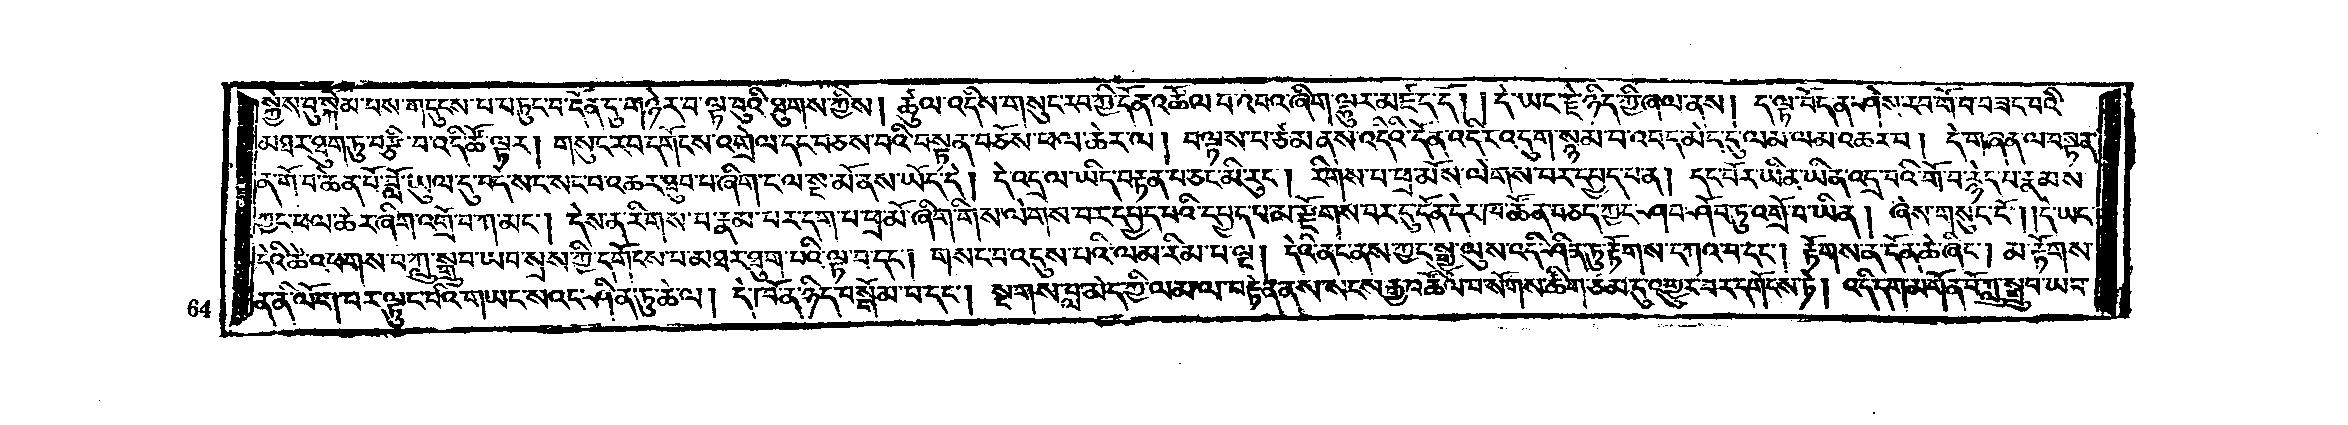སྐྱེས་བུ་སྐོམ་པས་གདུངས་པ་བཏུང་བ་དོན་དུ་གཉེར་བ་ལྟ་བུའི་ཐུགས་ཀྱིས། ཚུལ་འདིས་གསུང་རབ་ཀྱི་དོན་འཚོལ་བ་འབའ་ཞིག་ལྷུར་མཛད་དོ། །དེ་ཡང་རྗེ་ཉིད་ཀྱི་ཞལ་ནས། ད་ལྟ་བོད་ན་ཤེས་རབ་གོ་བ་བཟང་བའི་
མཐར་ཐུག་ཏུ་བརྩི་བ་འདི་ཚོ་ལྟར། གསུང་རབ་དགོངས་འགྲེལ་དང་བཅས་པའི་བསྟན་བཅོས་ཕལ་ཆེར་ལ། བལྟས་པ་ཙམ་ནས་འདིའི་དོན་འདིར་འདུག་སྙམ་པ་འབད་མེད་དུ་ལམ་ལམ་འཆར་བ། དེ་གཞན་ལ་བསྟན་
ན་གོ་བ་ཆེན་པོ་བློ་ཡུལ་དུ་བདེ་སང་སང་བ་འཆར་ཐུབ་པ་ཞིག་ང་ལ་སྔ་མོ་ནས་ཡོད་དེ། དེ་འདྲ་ལ་ཡིད་བརྟན་པ་ཅང་མི་རུང་། རིགས་པ་ཕྲ་མོས་ལེགས་པར་དཔྱད་པ་ན། དང་པོར་ཡིན་ཡིན་འདྲ་བའི་གོ་བ་རྙེད་པ་རྣམས་
ཀྱང་ཕལ་ཆེར་ཞིག་འགྲོ་བ་ཀ་མང་། དེས་ན་རིགས་པ་རྣམ་པར་དག་པ་ཕྲ་མོ་ཞིག་གིས་ལེགས་པར་དཔྱད་པའི་དཔྱད་པ་མ་རྫོགས་བར་དུ་དོན་དེར་ཁ་ཚོན་བཅད་ཀྱང་ཤབ་ཤོབ་ཏུ་འགྲོ་བ་ཡིན། ཞེས་གསུང་ངོ། །དེ་ཡང་
དེའི་ཚེ་འཕགས་པ་ཀླུ་སྒྲུབ་ཡབ་སྲས་ཀྱི་དགོངས་པ་མཐར་ཐུག་པའི་ལྟ་བ་དང་། གསང་བ་འདུས་པའི་ལམ་རིམ་པ་ལྔ། དེའི་ནང་ནས་ཀྱང་སྒྱུ་ལུས་འདི་ཤིན་ཏུ་རྟོགས་དཀའ་བ་དང་། རྟོགས་ན་དོན་ཆེ་ཞིང་། མ་རྟོགས་
ན་ནི་ལོག་པར་ལྟུང་བའི་གཡང་སའང་ཤིན་ཏུ་ཆེ་ལ། དེ་ཁོ་ན་ཉིད་བསྒོམ་པ་དང་། སྔགས་བླ་མེད་ཀྱི་ལམ་ལ་བརྟེན་ནས་སངས་རྒྱ་འཚོལ་བ་སོགས་ཚིག་ཙམ་དུ་འགྱུར་བར་དགོངས་ཏེ། འདི་དག་མགོན་པོ་ཀླུ་སྒྲུབ་ཡབ་